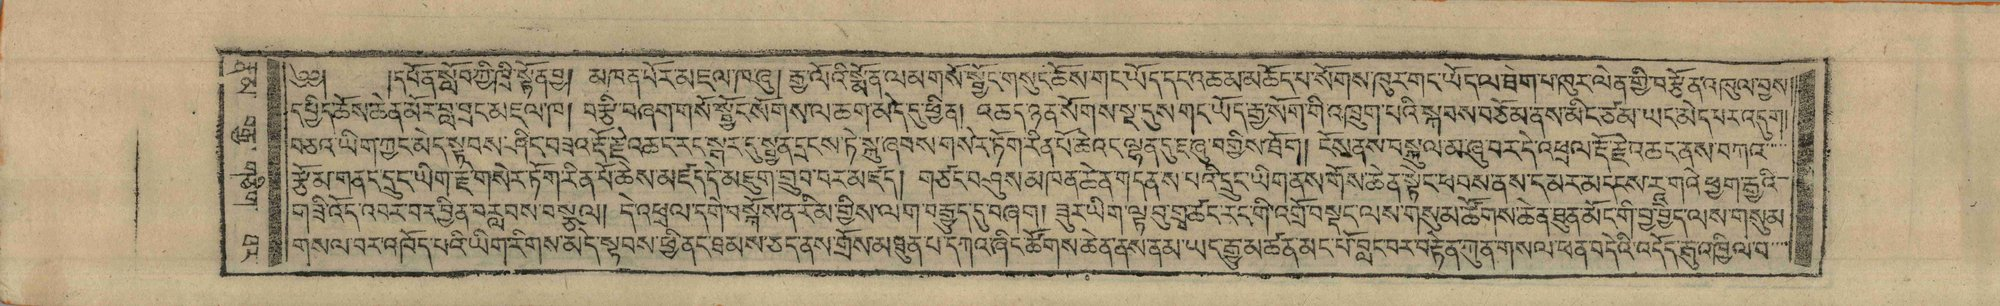༄༅། །དཔོན་སློབ་ཀྱི་ཁྲི་སྟོན་བྱ། མཁན་པོར་མཇལ་ཁ་ཞུ། རྒྱ་ལོའི་སྨོན་ལམ་གསོ་སྦྱོང་གསུང་ཆོས་གང་ཡོད་དང་འཆམ་མཆོད་པ་སོགས་ཁུར་གང་ཡོད་ལ་ཐེག་པ་ཁུར་ལེན་གྱི་བརྩོན་འཁུལ་བྱས་
དཔྱིད་ཆོས་ཆེན་མོར་བླ་བྲང་མཇལ་ཁ། བརྩི་བཞག་གསོ་སྦྱོང་སོགས་ལ་ཆག་མེད་དུ་ཕྱིན། འཆད་ཉན་སོགས་སྔ་དུས་གང་ཡོད་རྒྱ་སོག་གི་འཁྲུག་པའི་སྐབས་བཅོམ་ནས་མིང་ཙམ་ཡང་མེད་པར་འདུག །
བཅའ་ཡིག་ཀྱང་མེད་སྟབས་ཤིང་བཟའ་རྡོ་རྗེ་འཆང་རང་སྒར་དུ་སྤྱན་དྲངས་ཏེ་སྐུ་ཞབས་གསེར་ཏོག་རིན་པོ་ཆེའང་ལྷན་དུ་ཇ་ཞུ་བགྱིས་ཐོག །ངོས་ནས་བསྐུལ་མ་ཞུ་བར་དེ་འཕྲལ་རྡོ་རྗེ་འཆང་ནས་བཀའ་
རྩོམ་གནང་དྲུང་ཡིག་རྗེ་གསེར་ཏོག་རིན་པོ་ཆེས་མཛད་དེ་མཇུག་གྲུབ་པར་མཛད། གཙང་བཤུས་མཁན་ཆེན་གདན་ས་པའི་དྲུང་ཡིག་ནས་གོས་ཆེན་སྟེང་ཕབས་ནས་དམར་མདངས་རཱ་གའི་ཕྱག་རྒྱའི་
གཟི་འོད་འབར་བར་བྱིན་བརླབས་བསྩལ། དེ་འཕྲལ་དགེ་བསྐོས་ན་རིམ་གྱིས་ལག་བརྒྱུད་དུ་བཞག །ཟུར་ཡིག་ལྟ་བུ་གྲྭ་ཚང་རང་གི་འགྲོ་བསྡང་ལས་གསུམ་ཚོགས་ཆེན་ཐུན་མོང་གི་བྱ་བྱེད་ལས་གསུམ་
གསལ་བར་འཁོད་པའི་ཡིག་རིགས་མེད་སྟབས་ཕྱི་ནང་ཐམས་ཅད་ནས་གྲོས་མཐུན་པ་དཀའ་ཞིང་ཚོགས་ཆེན་ནས་ནམ་ཡང་རྒྱུ་མཚན་མང་པོ་བླང་བར་བརྟེན་ཀུན་གསལ་ཕན་བདེའི་འདོད་རྒུ་འཁྱིལ་བ་